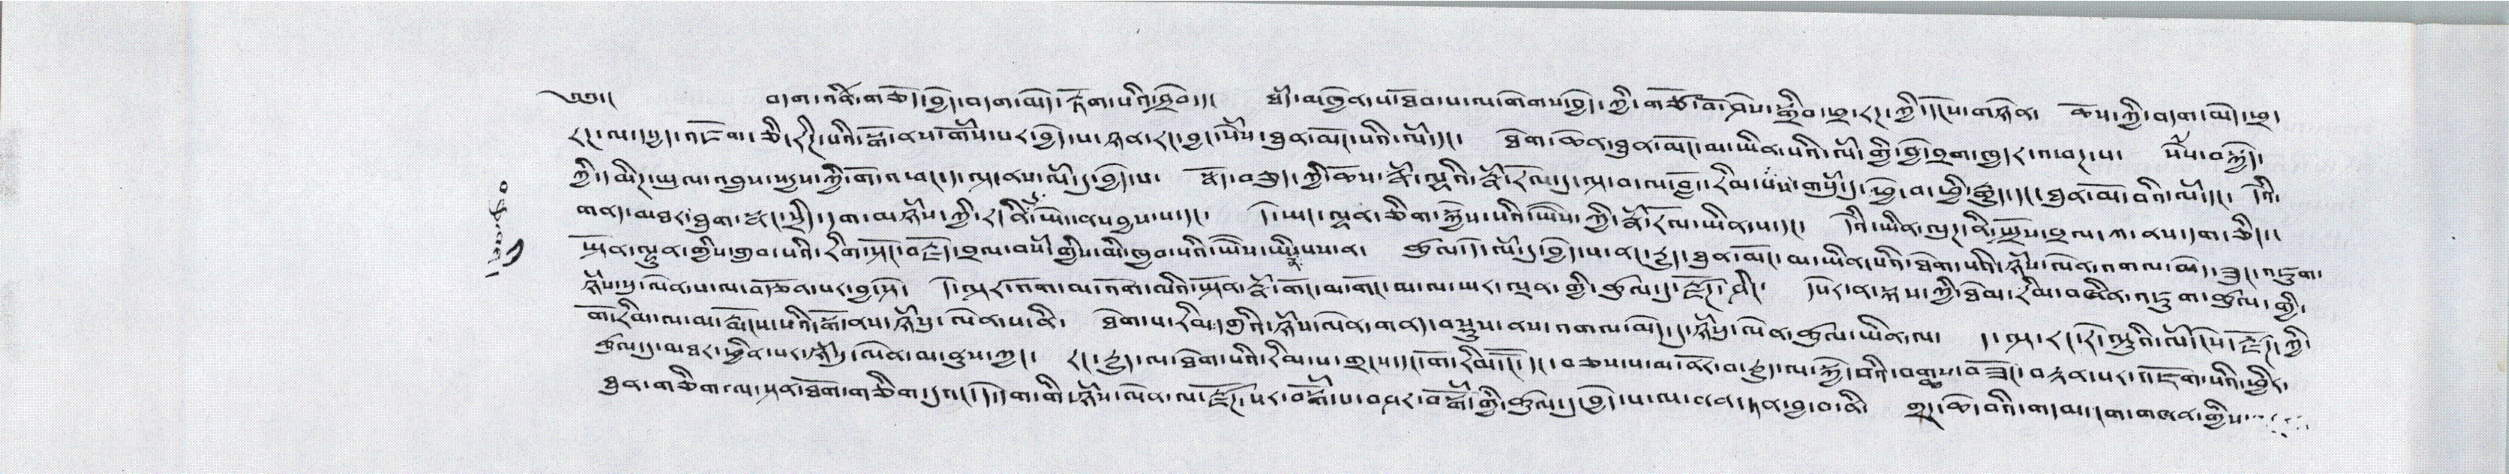བདག་འཛིན་གཅོད་བྱེད་བདག་མེད་རྟོགས་པའི་ཤེས་རབ་དང་། ཐམས་ཅད་མཁྱེན་པ་ཐོབ་པ་ལ་གེགས་བྱེད་ཀྱི་གཙོ་བོ་ཤེས་སྒྲིབ་ཕྲ་རགས་ཀྱི་དངོས་གཉེན། ཆོས་ཀྱི་བདག་མེད་ཕྲ་
མོ་ལ་དཔྱད་འཇོག་ཅི་རིགས་པའི་སྒོ་ནས་གོམས་པར་བྱེད་པ་ཉན་རང་བྱང་སེམས་ཐུན་མོང་བའི་ལམ་དང་། ཐུན་མོང་མ་ཡིན་པའི་ལམ་གྱི་བྱེ་བྲག་ཁྱད་པར་འཕགས་པ། སེམས་བསྐྱེད་
ཀྱི་དམིགས་ཡུལ་འབྲས་བུ་སངས་རྒྱས་ཀྱི་གོ་འཕང་ད་ལྟ་ནས་ལམ་དུ་བྱེད་པ། སྣོད་བཅུད་ཀྱི་ཆོས་རྣམས་ལྷ་ཡི་རྣམ་རོལ་དུ་བལྟ་བ་ལ་བློ་རིམ་པ་གསུམ་དུ་ཕྱེ་བ་ཕྱི་རྒྱུད་དང་ཐུན་མོང་བའི་ལམ་དང་། དེའི་
གནད་མཐར་ཐུག་སྣང་སྲིད་དག་མཉམ་གྱི་རང་བཞིན་ཡེ་ནས་བྱས་པ་དང་། དེ་ཡང་ལྷན་ཅིག་སྐྱེས་པའི་ཡེ་ཤེས་ཀྱི་རྣམ་རོལ་ཡིན་པ་དང་། དེའི་ཡིན་ལུགས་ནི་སྤྲོས་བྲལ་ཀ་ནས་དག་ཅིང་
དོན་ལྷུན་གྱིས་གྲུབ་པའི་རིག་སྟོང་བརྗོད་བྲལ་བསམ་གྱིས་མི་ཁྱབ་པའི་ཡེ་ཤེས་ཡིན་པས་ན། ཚུལ་དེ་ལམ་དུ་བྱེད་པ་ནང་རྒྱུད་ཐུན་མོང་མ་ཡིན་པའི་ཐེག་པའི་ཉམས་ལེན་འགལ་མེད་ཟུང་འཇུག་
ཉམས་སུ་ལེན་པ་ལ་བརྩོན་པར་བྱའོ། དེ་ལྟར་འོག་མ་འོག་མའི་ཡོན་ཏན་རྣམས་གོང་མ་གོང་མ་ལ་ཡར་ལྡན་གྱི་ཚུལ་དུ་རྫོགས་ཤིང་། དཔེར་ན་སྐས་ཀྱི་ཐེག་རིམ་བཞིན་འཇུག་ཚུལ་གྱི་
གོ་རིམ་ལ་མ་རྨོངས་པའི་སྒོ་ནས་ཉམས་སུ་ལེན་པ་ནི། ཐེག་པ་རིམ་དགུའི་ཉམས་ལེན་གནད་བསྡུས་ནས་འགལ་མེད་དུ་ཉམས་སུ་ལེན་ཚུལ་ཡིན་ལ། ད་ལྟ་རང་རེ་ལྟ་བུའི་ལམ་ངེས་རྫོགས་ཀྱི་
ཚུལ་མཐར་ཕྱིན་པར་ཉམས་སུ་ལེན་མ་ནུས་ཀྱང་། རང་རྒྱུད་ལ་ཐེག་པའི་རིམ་པ་གྲངས་དང་ངོ་བོ་གོ་རིམ་དང་བཅས་པ་མ་ནོར་བ་རྒྱུད་ལ་སྐྱེ་བའི་བག་ཆགས་བཟང་པོ་བརྟན་པར་འཇོག་པའི་ཕྱིར་
ཐུན་གཅིག་ལ་སྟན་ཐོག་གཅིག་ཏུའང་དེ་དག་གི་ཉམས་ལེན་ལ་རྫོགས་པར་བསྒོམ་པ་བཤར་སྒོམ་གྱི་ཚུལ་དུ་བྱེད་པ་ལ་ནན་ཏན་བྱ་བ་ནི། གྲགས་ཆེ་བའི་གདམས་ངག་གཞན་གྱིས་